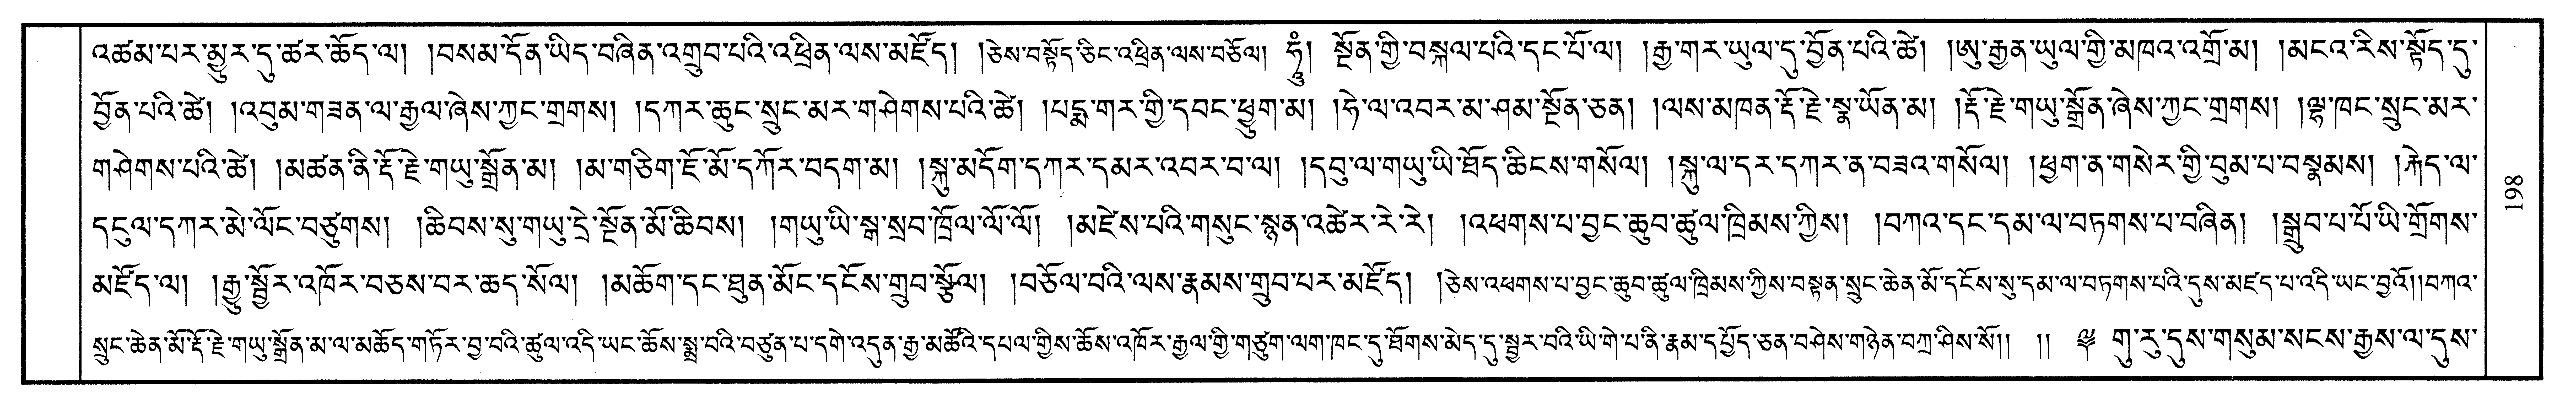འཚམ་པར་མྱུར་དུ་ཚར་ཆོད་ལ། །བསམ་དོན་ཡིད་བཞིན་འགྲུབ་པའི་འཕྲིན་ལས་མཛོད། །ཅེས་བསྟོད་ཅིང་འཕྲིན་ལས་བཅོལ། ཧཱུཾ། སྔོན་གྱི་བསྐལ་པའི་དང་པོ་ལ། །རྒྱ་གར་ཡུལ་དུ་བྱོན་པའི་ཚེ། །ཨུ་རྒྱན་ཡུལ་གྱི་མཁའ་འགྲོ་མ། །མངའ་རིས་སྟོད་དུ་
བྱོན་པའི་ཚེ། །འབུམ་གཟན་ལ་རྒྱལ་ཞེས་ཀྱང་གྲགས། །དཀར་ཆུང་སྲུང་མར་གཤེགས་པའི་ཚེ། །པདམ་གར་གྱི་དབང་ཕྱུག་མ། །ཧེ་ལ་འབར་མ་ཤམ་སྔོན་ཅན། །ལས་མཁན་རྡོ་རྗེ་སྣ་ཡོན་མ། །རྡོ་རྗེ་གཡུ་སྒྲོན་ཞེས་ཀྱང་གྲགས། །ལྷ་ཁང་སྲུང་མར་
གཤེགས་པའི་ཚེ། །མཚན་ནི་རྡོ་རྗེ་གཡུ་སྒྲོན་མ། །མ་གཅིག་ཇོ་མོ་དཀོར་བདག་མ། །སྐུ་མདོག་དཀར་དམར་འབར་བ་ལ། །དབུ་ལ་གཡུ་ཡི་ཐོད་ཆིངས་གསོལ། །སྐུ་ལ་དར་དཀར་ན་བཟའ་གསོལ། །ཕྱག་ན་གསེར་གྱི་བུམ་པ་བསྣམས། །རྐེད་ལ་
དངུལ་དཀར་མེ་ལོང་བཙུགས། །ཆིབས་སུ་གཡུ་དྲེ་སྔོན་མོ་ཆིབས། །གཡུ་ཡི་སྒ་སྲབ་ཁྲོལ་ལོ་ལོ། །མཛེས་པའི་གསུང་སྙན་འཚེར་རེ་རེ། །འཕགས་པ་བྱང་ཆུབ་ཚུལ་ཁྲིམས་ཀྱིས། །བཀའ་དང་དམ་ལ་བཏགས་པ་བཞིན། །སྒྲུབ་པ་པོ་ཡི་གྲོགས་
མཛོད་ལ། །རྒྱུ་སྦྱོར་འཁོར་བཅས་བར་ཆད་སོལ། །མཆོག་དང་ཐུན་མོང་དངོས་གྲུབ་སྩོལ། །བཅོལ་བའི་ལས་རྣམས་གྲུབ་པར་མཛོད། །ཅེས་འཕགས་པ་བྱང་ཆུབ་ཚུལ་ཁྲིམས་ཀྱིས་བསྟན་སྲུང་ཆེན་མོ་དངོས་སུ་དམ་ལ་བཏགས་པའི་དུས་མཛད་པ་འདི་ཡང་བྱའོ། །བཀའ་
སྲུང་ཆེན་མོ་རྡོ་རྗེ་གཡུ་སྒྲོན་མ་ལ་མཆོད་གཏོར་བྱ་བའི་ཚུལ་འདི་ཡང་ཆོས་སྨྲ་བའི་བཙུན་པ་དགེ་འདུན་རྒྱ་མཚོའི་དཔལ་གྱིས་ཆོས་འཁོར་རྒྱལ་གྱི་གཙུག་ལག་ཁང་དུ་ཐོགས་མེད་དུ་སྦྱར་བའི་ཡི་གེ་པ་ནི་རྣམ་དཔྱོད་ཅན་བཤེས་གཉེན་བཀྲ་ཤིས་སོ།། །། ༈ གུ་རུ་དུས་གསུམ་སངས་རྒྱས་ལ་དུས་